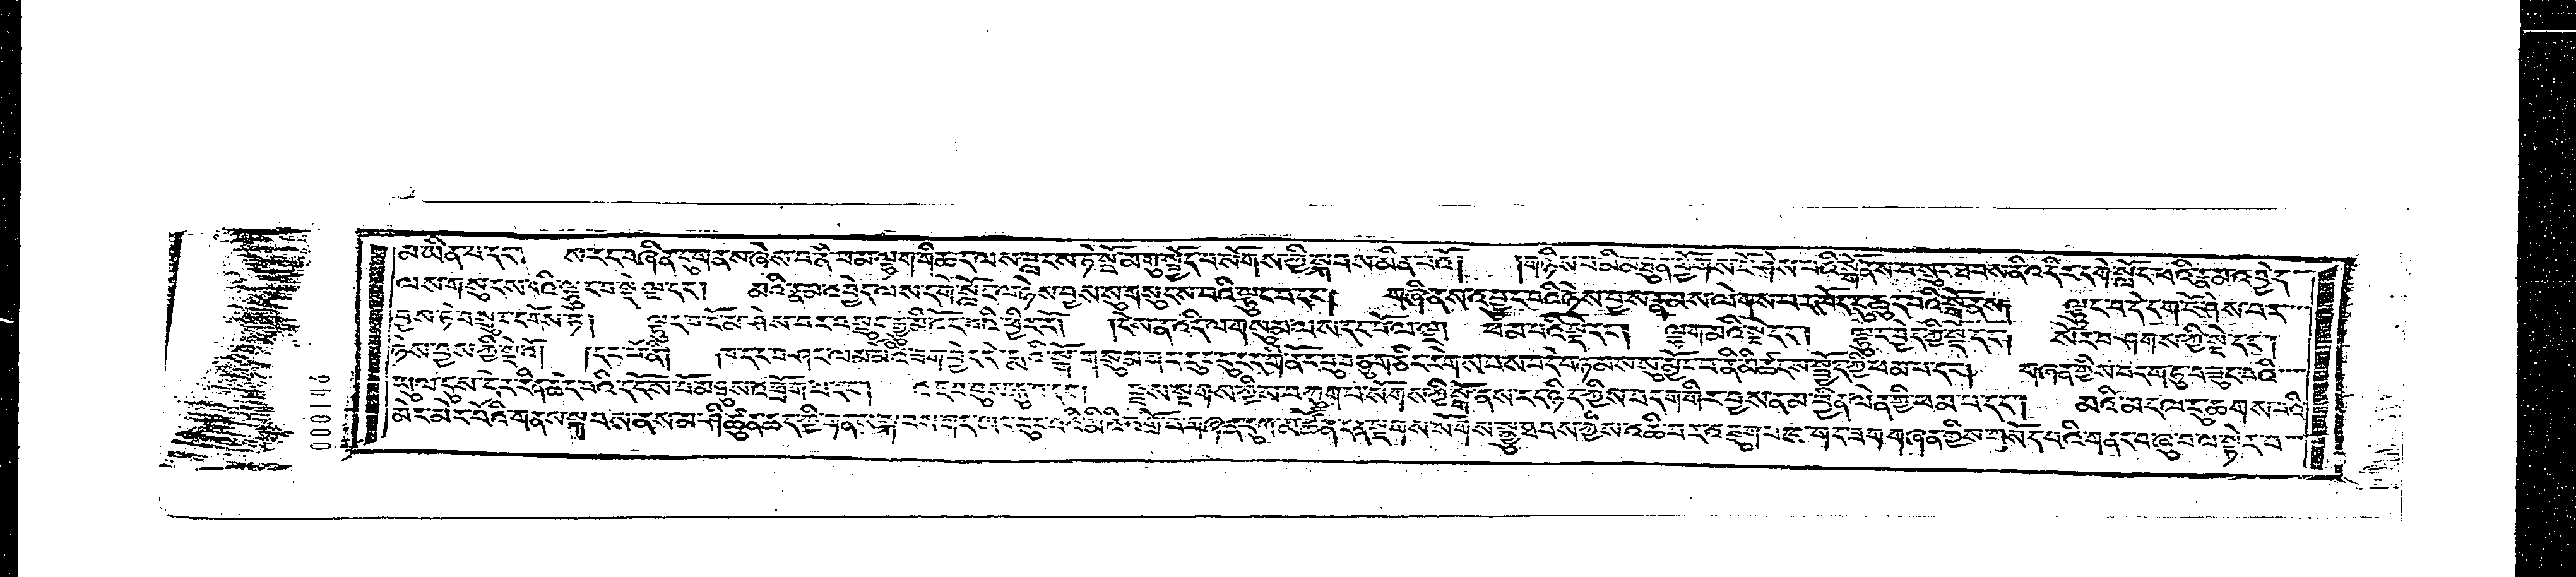མ་ཡིན་པ་དང་། ས་རང་བཞིན་དུ་གནས་ཞེས་པ་ནི་ཕམ་ལྷག་གི་ཆད་ལས་བླངས་ཏེ་སྤོ་མགུ་སྤྱོད་པ་སོགས་ཀྱི་སྐབས་མིན་པའོ། །གཉིས་པ་མི་མཐུན་ཕྱོགས་ངོ་ཤེས་པའི་སྒོ་ནས་བསྲུང་ཐབས་ནི་འདིར་དགེ་སློང་ཕའི་རྣམ་འབྱེད་
ལས་གསུངས་པའི་ལྟུང་བ་སྡེ་ལྔ་དང་། མའི་རྣམ་འབྱེད་ལས་དགེ་སློང་ལ་ཉེས་བྱས་སུ་གསུངས་པའི་ལྟུང་བ་དང་། གཞི་ནས་འབྱུང་བའི་ཉེས་བྱས་རྣམས་ལེགས་པར་ཁོང་དུ་ཆུད་པའི་སྒོ་ནས། ལྟུང་བ་དེ་དག་ངོ་ཤེས་པར་
བྱས་ཏེ་བསྲུང་དགོས་ཏེ། ལྟུང་བ་ངོ་མ་ཤེས་པར་བསྲུང་རྒྱུ་མི་འོང་བའི་ཕྱིར་རོ། །དེས་ན་འདི་ལ་གསུམ་ལས་དང་པོ་ལ་ལྔ། ཕམ་པའི་སྡེ་དང་། ལྷག་མའི་སྡེ་དང་། ལྟུང་བྱེད་ཀྱི་སྡེ་དང་། སོར་བཤགས་ཀྱི་སྡེ་དང་།
ཉེས་བྱས་ཀྱི་སྡེའོ། །དང་པོ་ནི། ཁ་དང་བཤང་ལམ་མོའི་ཟག་བྱེད་དེ་རྨའི་སྒོ་གསུམ་གང་རུང་དུ་རང་གི་ནོར་བུ་བཅུག་ཅིང་རེགས་པས་བདེ་བ་ཉམས་སུ་མྱོང་བ་ནི་མི་ཚངས་སྤྱོད་ཀྱི་ཕམ་པ་དང་། གཞན་གྱིས་བདག་ཏུ་བཟུང་བའི་
ཡུལ་དུས་དེར་རིན་ཚང་བའི་དངོས་པོ་མཐུས་འཕྲོག་པ་དང་། འཇབ་བུས་རྐུ་བ་དང་། རྫས་སྔགས་ཀྱིས་བཀུག་པ་སོགས་ཀྱི་སྒོ་ནས་རང་ཉིད་ཀྱིས་བདག་གིར་བྱས་ན་མ་བྱིན་ལེན་གྱི་ཕམ་པ་དང་། མའི་མངལ་དུ་ཆགས་པའི་
མེར་མེར་པོའི་གནས་སྐབས་ནས་མ་ཤི་ཚུན་ཆད་ཀྱི་གནས་སྐབས་གང་ཡང་རུང་བའི་མིའི་འགྲོ་བ་གཞན་དུ་ཀ་མ་ཚོན་དན་སྔགས་སོགས་སྒྱུ་ཐབས་ཀྱིས་འཆི་བར་འཇུག་པས་གང་ཟག་གཞན་གྱིས་གསོད་པའི་གནང་བ་ཞུ་བ་ལ་སྟེར་བ་